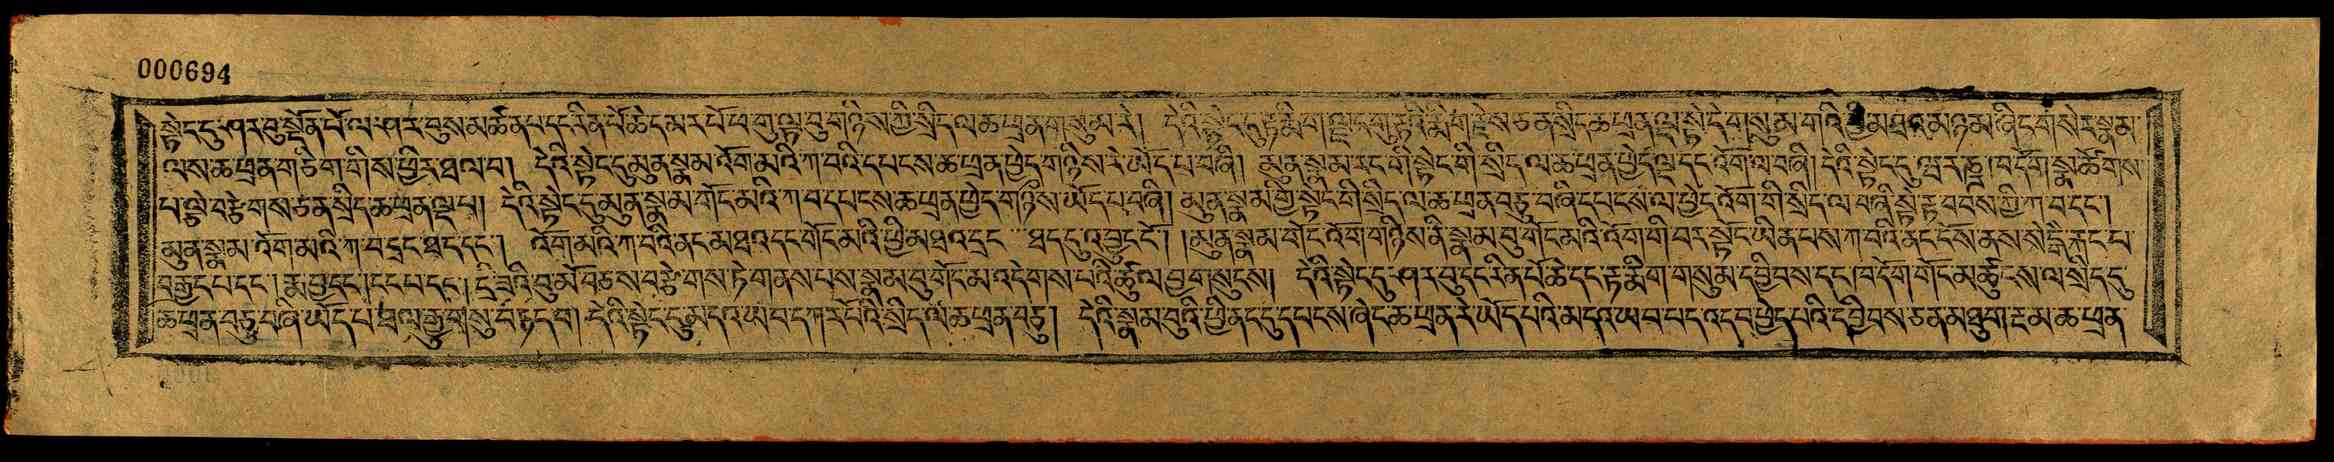སྟེང་དུ་ཤར་བུ་སྔོན་པོ་ལ་ཤར་བུས་མཚན་པ་དང་རིན་པོ་ཆེ་དམར་པོ་ཕ་གུ་ལྟ་བུ་གཉིས་ཀྱི་སྲིད་ལ་ཆ་ཕྲན་གསུམ་རེ། དེའི་སྟེང་དུ་རྟ་རྨིག་ལྗང་གུ་རྟའི་རྨིག་རྗེས་ཅན་སྲིད་ཆ་ཕྲན་ལྔ་སྟེ་དེ་གསུམ་གའི་ཕྱི་མཐའ་མཉམ་ཞིང་གསེར་སྣམ་
ལས་ཆ་ཕྲན་གཅིག་གིས་ཕྱིར་ཐལ་བ། དེའི་སྟེང་དུ་མུན་སྣམ་འོག་མའི་ཀ་བའི་དཔངས་ཆ་ཕྲན་ཕྱེད་གཉིས་རེ་ཡོད་པ་བཞི། མུན་སྣམ་རང་གི་སྟེང་གི་སྲིད་ལ་ཆ་ཕྲན་ཕྱེད་ལྔ་དང་འོག་ལ་བཞི། དེའི་སྟེང་དུ་ཝ་རཎྜ་ཁ་དོག་སྣ་ཚོགས་
པ་ལྕེ་བརྩེགས་ཅན་སྲིད་ཆ་ཕྲན་ལྔ་པ། དེའི་སྟེང་དུ་མུན་སྣམ་གོང་མའི་ཀ་བ་དཔངས་ཆ་ཕྲན་ཕྱེད་གཉིས་ཡོད་པ་བཞི། མུན་སྣམ་གྱི་སྟེང་གི་སྲིད་ལ་ཆ་ཕྲན་བཅུ་བཞི་དཔངས་ལ་ཕྱེད་འོག་གི་སྲིད་ལ་བཞི་སྟེ་རྟ་བབས་ཀྱི་ཀ་བ་དང་།
མུན་སྣམ་འོག་མའི་ཀ་བ་དྲང་ཐད་དང་། འོག་མའི་ཀ་བའི་ནང་མཐའ་དང་གོང་མའི་ཕྱི་མཐའ་དྲང་ཐད་དུ་འབྱུང་ངོ། །མུན་སྣམ་གོང་འོག་གཉིས་ནི་སྣམ་བུ་གོང་མའི་འོག་གི་བར་སྟོང་ཡིན་པས་ཀ་བའི་ནང་ངོས་ནས་སེངྒཻ་རྐང་པ་
བརྒྱད་པ་དང་། རྨ་བྱ་དང་། ངང་པ་དང་། དྲི་ཟའི་བུ་མོ་བཅས་བརྩེགས་ཏེ་གནས་པས་སྣམ་བུ་གོང་མ་འདེགས་པའི་ཚུལ་བྱ་གསུངས། དེའི་སྟེང་དུ་ཤར་བུ་དང་རིན་པོ་ཆེ་དང་རྟ་རྨིག་གསུམ་དབྱིབས་དང་ཁ་དོག་གོང་མཚུངས་ལ་སྲིད་དུ་
ཆ་ཕྲན་བཅུ་བཞི་ཡོད་པ་ཐལ་རྒྱུགསུ་བཏང་བ། དེའི་སྟེང་དུ་མདའ་ཡབ་དཀར་པོའི་སྲིད་ལ་ཆ་ཕྲན་བཅུ། དེའི་སྣམ་བུའི་ཕྱི་ནང་དུ་དཔངས་ཞེང་ཆ་ཕྲན་རེ་ཡོད་པའི་མདའ་ཡབ་པད་འདབ་ཕྱེད་པའི་དབྱིབས་ཅན་མཐུག་རྔམ་ཆ་ཕྲན་